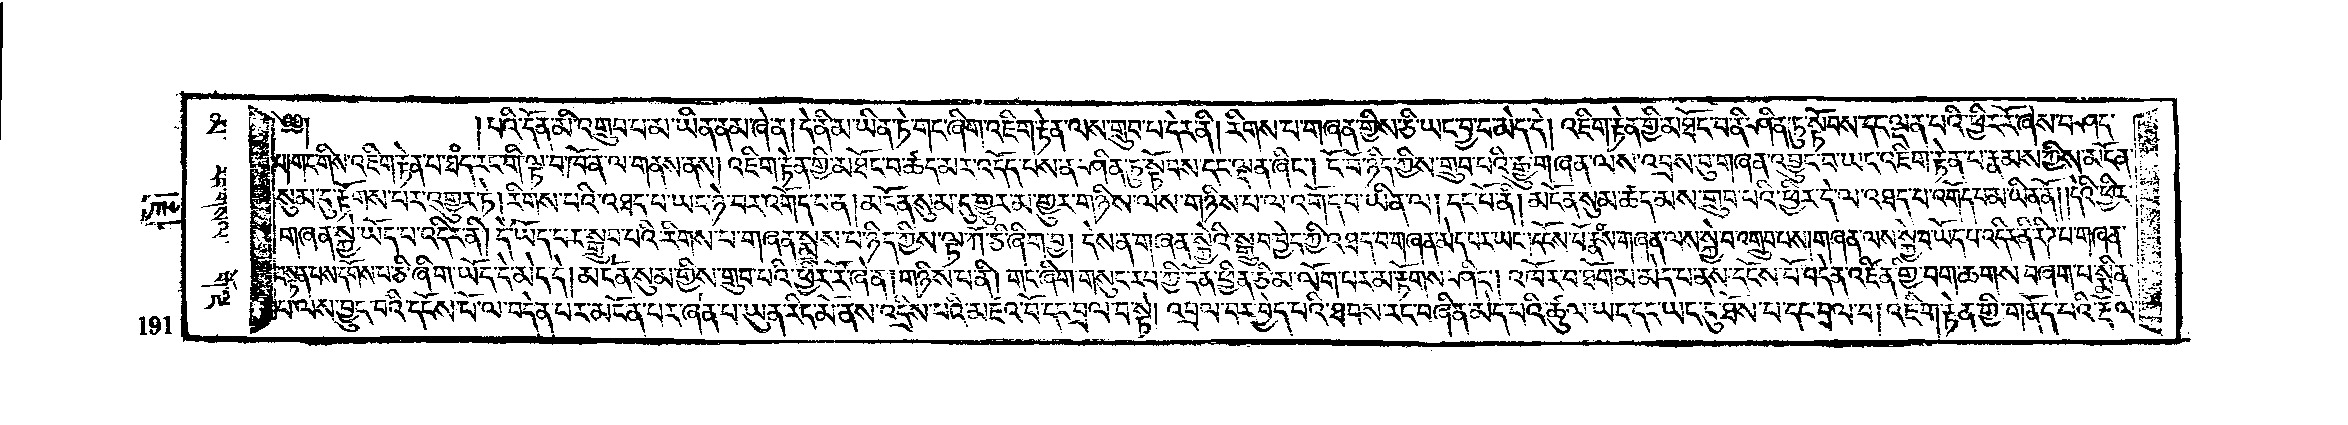༄༅། །པའི་དོན་མི་འགྲུབ་པ་མ་ཡིན་ནམ་ཞེ་ན། དེ་ནི་མ་ཡིན་ཏེ་གང་ཞིག་འཇིག་རྟེན་ལས་གྲུབ་པ་དེར་ནི། རིགས་པ་གཞན་གྱིས་ཅི་ཡང་བྱ་བ་མེད་དེ། འཇིག་རྟེན་གྱི་མཐོང་བ་ནི་ཤིན་ཏུ་སྟོབས་དང་ལྡན་པའི་ཕྱིར་རོ་ཞེས་བཤད་
པ། གང་གིས་འཇིག་རྟེན་པ་ཐམས་ཅད་རང་གི་ལྟ་བ་ཁོ་ན་ལ་གནས་ནས། འཇིག་རྟེན་གྱི་མཐོང་བ་ཚད་མར་འདོད་པས་ན་ཤིན་ཏུ་སྟོབས་དང་ལྡན་ཞིང་། ངོ་བོ་ཉིད་ཀྱིས་གྲུབ་པའི་རྒྱུ་གཞན་ལས་འབྲས་བུ་གཞན་འབྱུང་བ་ཡང་འཇིག་རྟེན་པ་རྣམས་ཀྱིས་མངོན་
སུམ་དུ་རྟོགས་པར་འགྱུར་ཏེ། རིགས་པའི་འཐད་པ་ཡང་ཉེ་བར་འགོད་པ་ན། མངོན་སུམ་དུ་གྱུར་མ་གྱུར་གཉིས་ལས་གཉིས་པ་ལ་འགོད་པ་ཡིན་ལ། དང་པོ་ནི། མངོན་སུམ་ཚད་མས་གྲུབ་པའི་ཕྱིར་དེ་ལ་འཐད་པ་འགོད་པ་མ་ཡིན་ནོ། །དེའི་ཕྱིར་
གཞན་སྐྱེ་ཡོད་པ་འདིར་ནི། དེ་ཡོད་པར་སྒྲུབ་པའི་རིགས་པ་གཞན་སྨྲས་པ་ཉིད་ཀྱིས་ལྟ་ཀོ་ཅི་ཞིག་བྱ། དེས་ན་གཞན་སྐྱེའི་སྒྲུབ་བྱེད་ཀྱི་འཐད་བ་གཞན་མེད་པར་ཡང་། དངོས་པོ་རྣམས་གཞན་ལས་སྐྱེ་བ་འགྲུབ་པས། གཞན་ལས་སྐྱེ་བ་ཡོད་པ་འདིར་ནི་རིགས་པ་གཞན་
བསྟན་པས་དགོས་པ་ཅི་ཞིག་ཡོད་དེ་མེད་དེ། མངོན་སུམ་གྱིས་གྲུབ་པའི་ཕྱིར་རོ་ཞེ་ན། གཉིས་པ་ནི། གང་ཞིག་གསུང་རབ་ཀྱི་དོན་ཕྱིན་ཅི་མ་ལོག་པར་མ་རྟོགས་ཤིང་། འཁོར་བ་ཐོག་མ་མེད་པ་ནས་དངོས་པོ་བདེན་འཛིན་གྱི་བག་ཆགས་བཞག་པ་སྨིན་
པ་ལས་བྱུང་བའི་དངོས་པོ་ལ་བདེན་པར་མངོན་པར་ཞེན་པ་ཡུན་རིང་མོ་ནས་འདྲིས་པའི་མཛའ་བོ་དང་བྲལ་བ་སྟེ། འབྲལ་བར་བྱེད་པའི་ཐབས་རང་བཞིན་མེད་པའི་ཚུལ་ཡང་དང་ཡང་དུ་ཐོས་པ་དང་བྲལ་བ། འཇིག་རྟེན་གྱི་གནོད་པའི་རྡོལ་